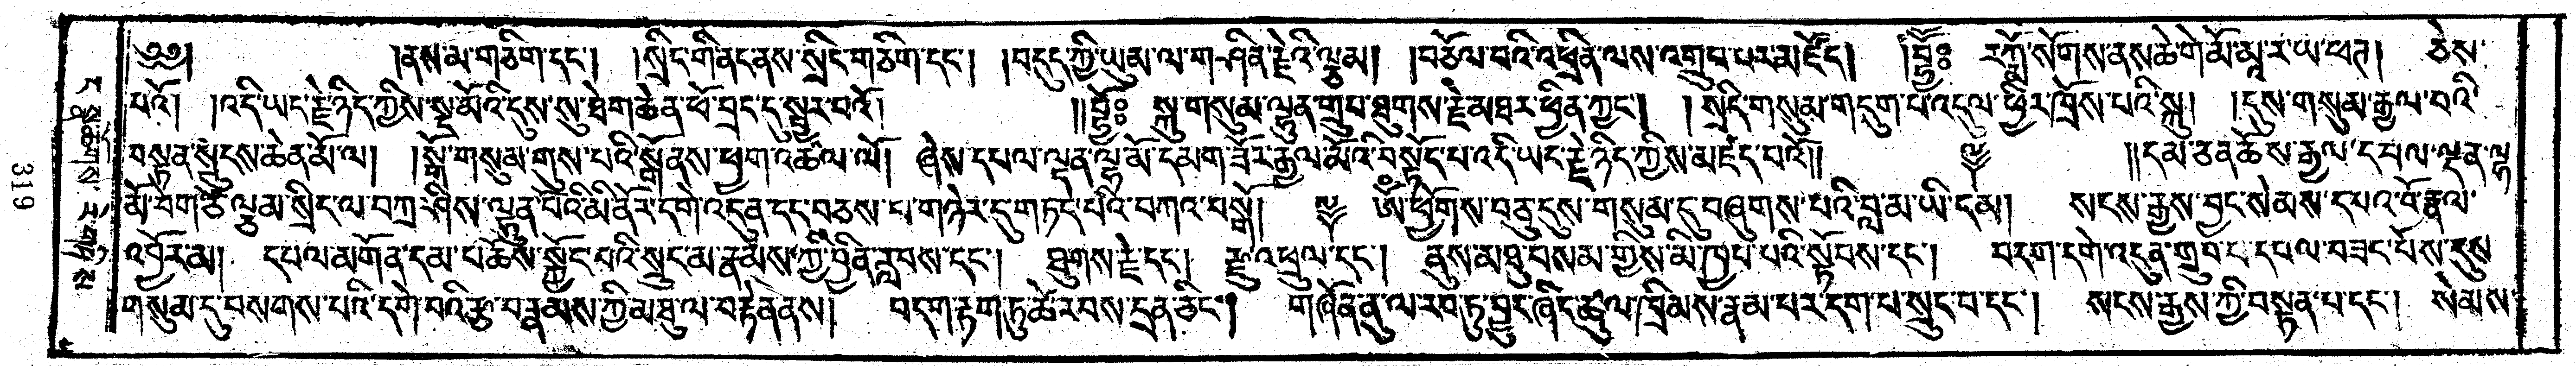༄༅། །ནས་མ་གཅིག་དང་། །སྲིད་གི་ནང་ནས་སྲིད་གཅིག་དང་། །བདུད་ཀྱི་ཡུམ་ལ་གཤིན་རྗེའི་ལྕམ། །བཅོལ་བའི་འཕྲིན་ལས་འགྲུབ་པར་མཛོད། །བྷྱཽཿ རཀྨོ་སོགས་ནས་ཆེ་གེ་མོ་མཱ་ར་ཡ་ཕཊ། ཅེས་
པའོ། །འདི་ཡང་རྗེ་ཉིད་ཀྱིས་སྔ་མོའི་དུས་སུ་ཐེག་ཆེན་ཕོ་བྲང་དུ་སྦྱར་པའོ། །།བྷྱོཿ སྐུ་གསུམ་ལྷུན་གྲུབ་ཐུགས་རྗེ་མཐར་ཕྱིན་ཀྱང་། །སྲིད་གསུམ་གདུག་པ་འདུལ་ཕྱིར་ཁྲོས་པའི་སྐུ། །དུས་གསུམ་རྒྱལ་པའི་
བསྟན་སྲུངས་ཆེན་མོ་ལ། །སྒོ་གསུམ་གུས་པའི་སྒོ་ནས་ཕྱག་འཚལ་ལོ། ཞེས་དཔལ་ལྡན་ལྷ་མོ་དམག་ཟོར་རྒྱལ་མོའི་བསྟོད་པ་འདི་ཡང་རྗེ་ཉིད་ཀྱིས་མཛད་པའོ།། ༈ །།དམ་ཅན་ཆོས་རྒྱལ་དཔལ་ལྡན་ལྷ་
མོ་བེག་ཙེ་ལྕམ་སྲིད་ལ་བཀྲ་ཤིས་ལྷུན་པོའི་མི་ནོར་དགེ་འདུན་དང་བཅས་པ་གཉེར་དུ་གཏད་པའི་བཀའ་བསྒོ། ༈ ཨོཾ་ཕྱོགས་བཅུ་དུས་གསུམ་དུ་བཞུགས་པའི་བླ་མ་ཡི་དམ། སངས་རྒྱས་བྱང་སེམས་དཔའ་བོ་རྣལ་
འབྱོར་མ། དཔལ་མགོན་དམ་པ་ཆོས་སྐྱོད་པའི་སྲུང་མ་རྣམས་ཀྱི་བྱིན་རླབས་དང་། ཐུགས་རྗེ་དང་། རྫུ་འཕྲུལ་དང་། ནུས་མཐུ་བསམ་གྱིས་མི་ཁྱབ་པའི་སྟོབས་དང་། བདག་དགེ་འདུན་གྲུབ་བ་དཔལ་བཟང་པོས་དུས་
གསུམ་དུ་བསགས་པའི་དགེ་བའི་རྩ་བ་རྣམས་ཀྱི་མཐུ་ལ་བརྟེན་ནས། བདག་རྟག་ཏུ་ཚེ་རབས་དྲན་ཅིང་། གཞོན་ནུ་ལ་རབ་ཏུ་བྱུང་ཞིང་ཚུལ་ཁྲིམས་རྣམ་པར་དག་པ་སྲུང་པ་དང་། སངས་རྒྱས་ཀྱི་བསྟན་པ་དང་། སེམས་